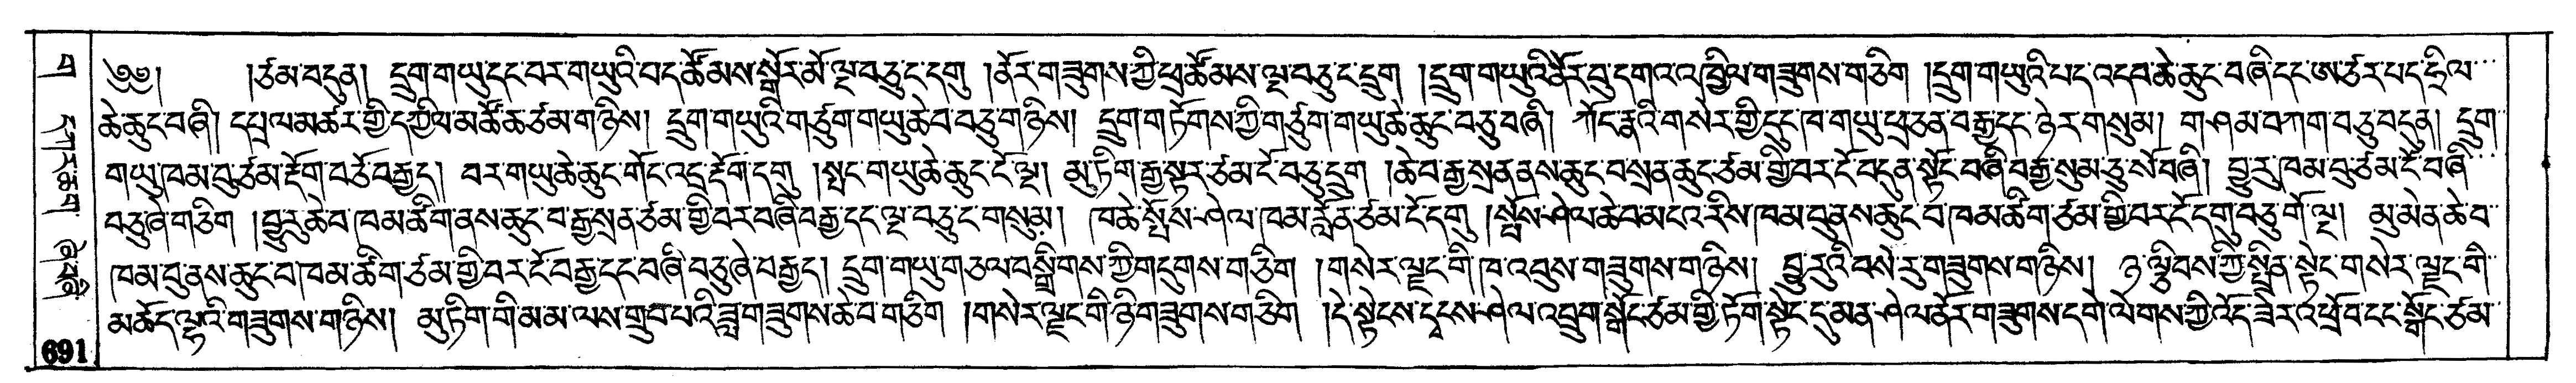༄༅། །ཙམ་བདུན། དྲུག་གཡུ་དང་བར་གཡུའི་བད་ཚོམས་སྒོར་མོ་ལྔ་བཅུ་ང་དགུ །ནོར་གཟུགས་ཀྱི་ཕྲ་ཚོམས་ལྔ་བཅུ་ང་དྲུག །དྲུག་གཡུའི་ནོར་བུ་དགའ་འཁྱིལ་གཟུགས་གཅིག །དྲུག་གཡུའི་པད་འདབ་ཆེ་ཆུང་བཞི་དང་ཨ་ཙར་བད་ཧྲིལ་
ཆེ་ཆུང་བཞི། དཔྲལ་མཚར་གྱི་དཀྱིལ་མཚོ་ཆེ་ཙམ་གཉིས། དྲུག་གཡུའི་གཙུག་གཡུ་ཆེ་བ་བཅུ་གཉིས། དྲུག་གཏོགས་ཀྱི་གཙུག་གཡུ་ཆེ་ཆུང་བཅུ་བཞི། ཀོང་རྣའི་གསེར་གྱི་དྲུང་ཁ་གཡུ་ཕྲ་ཅན་བརྒྱ་དང་ཉེར་གསུམ། གཤམ་བཀག་བཅུ་བདུན། དྲུག་
གཡུ་ཁམ་བུ་ཙམ་རྡོག་བཅོ་བརྒྱད། བར་གཡུ་ཆེ་ཆུང་གོང་འདྲ་རྡོག་དགུ །སྤང་གཡུ་ཆེ་ཆུང་ངོ་ལྔ། མུ་ཏིག་རྒྱ་སྟར་ཙམ་ངོ་བཅུ་དྲུག །ཆེ་བ་རྒྱ་སྲན་ནས་ཆུང་བ་སྲན་ཆུང་ཙམ་གྱི་བར་ངོ་བདུན་སྟོང་བཞི་བརྒྱ་སུམ་ཅུ་སོ་བཞི། བྱུ་རུ་ཁམ་བུ་ཙམ་ངོ་བཞི་
བཅུ་ཞེ་གཅིག །བྱུ་རུ་ཆེ་བ་ཁམ་ཚིག་ནས་ཆུང་བ་རྒྱ་སྲན་ཙམ་གྱི་བར་བཞི་བརྒྱ་དང་ལྔ་བཅུ་ང་གསུམ། ཁ་ཆེ་སྦོས་ཤེལ་ཁམ་རློན་ཙམ་ངོ་དགུ །སྤོས་ཤེལ་ཆེ་བ་མངའ་རིས་ཁམ་བུ་ནས་ཆུང་བ་ཁམ་ཚིག་ཙམ་གྱི་བར་ངོ་དགུ་བཅུ་གོ་ལྔ། མུ་མེན་ཆེ་བ་
ཁམ་བུ་ནས་ཆུང་བ་ཁམ་ཚིག་ཙམ་གྱི་བར་ངོ་བརྒྱ་དང་བཞི་བཅུ་ཞེ་བརྒྱད། དྲུག་གཡུ་གཅལ་བསྒྲིགས་ཀྱི་གདུགས་གཅིག །གསེར་ལྗང་གི་ཁ་འབུས་གཟུགས་གཉིས། བྱུ་རུའི་བསེ་རུ་གཟུགས་གཉིས། ཉ་ལྕིབས་ཀྱི་སྦྲིན་སྟེང་གསེར་ལྗང་གི་
མཆོད་ལྷའི་གཟུགས་གཉིས། མུ་ཏིག་གི་མ་མ་ལས་གྲུབ་པའི་ཟླ་གཟུགས་ཆེ་བ་གཅིག །གསེར་ལྗང་གི་ཉི་གཟུགས་གཅིག །དེ་སྟེངས་དྭངས་ཤེལ་འབྲུག་སྒོང་ཙམ་གྱི་ཏོག་སྟེང་དུ་མན་ཤེལ་ནོར་གཟུགས་དགེ་ལེགས་ཀྱི་འོད་ཟེར་འཕྲོ་བ་དང་སྒོང་ཙམ་